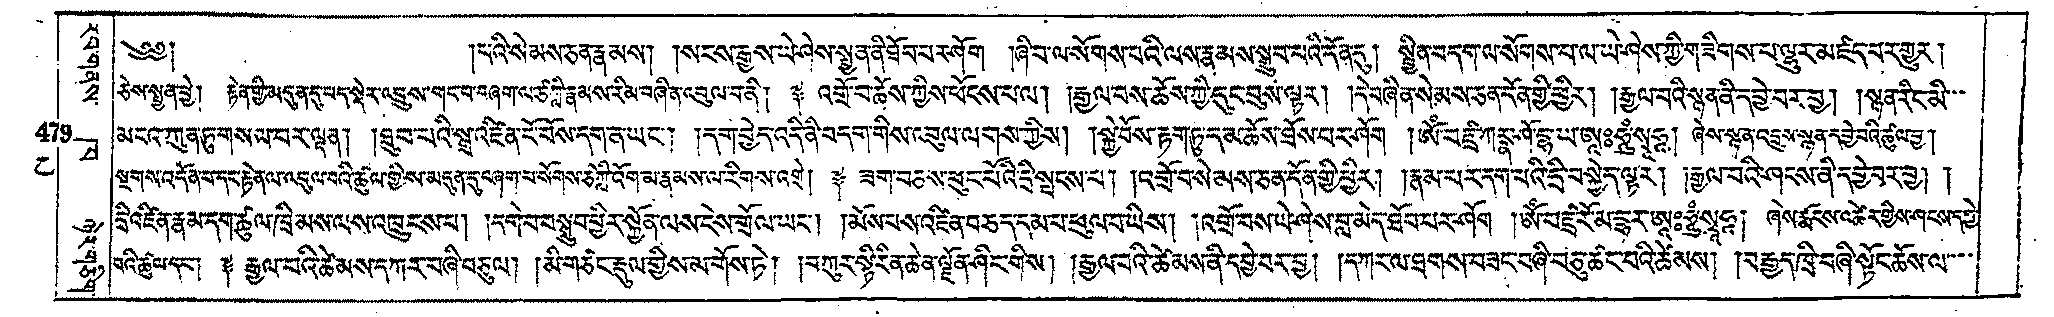༄༅། །པའི་སེམས་ཅན་རྣམས། །སངས་རྒྱས་ཡེ་ཤེས་སྤྱན་ནི་ཐོབ་པར་ཤོག །ཞི་བ་ལ་སོགས་པའི་ལས་རྣམས་སྒྲུབ་པའི་དོན་དུ། སྦྱིན་བདག་ལ་སོགས་པ་ལ་ཡེ་ཤེས་ཀྱི་གཟིགས་པ་ལྷུར་མཛད་པར་གྱུར།
ཅེས་སྤྱན་ཕྱེ། རྟེན་གྱི་མདུན་དུ་པད་སྡེར་འབྲུས་གང་བ་བཞག་ལ་ཙཀླི་རྣམས་རིམ་བཞིན་འབུལ་བ་ནི།  འ་འགྲོ་བ་ཆོས་ཀྱིས་ཕོངས་པ་ལ། །རྒྱལ་བས་ཆོས་ཀྱི་དུང་བུས་ལྟར། །དེ་བཞིན་སེམས་ཅན་དོན་གྱི་ཕྱིར། །རྒྱལ་བའི་སྙན་ནི་དབྱེ་བར་བྱ། །སྙན་རིང་མི་
མངའ་ཀུན་ཏུ་གསལ་བར་ལྡན། །ཐུབ་པའི་སྒྲ་འཛིན་ངོ་བོས་དག་ན་ཡང་། །དག་བྱེད་འདི་ནི་བདག་གིས་འབུལ་ལགས་ཀྱིས། །སྐྱེ་བོས་རྟག་ཏུ་དམ་ཆོས་ཐོས་པར་ཤོག །ཨོཾ་བཛྲ་ཀརྣ་ཤོ་དྷ་ཡ་ཨཱཿཧཱུཾ་སྭཱཧཱ། ཞེས་སྙན་འདྲུས་སྙན་དབྱེ་བའི་ཚུལ་བྱ།
སྔགས་འདོན་པ་དང་རྟེན་ལ་འབུལ་བའི་ཚུལ་གྱིས་མདུན་དུ་བཞག་པ་སོགས་ཙཀླི་འོག་མ་རྣམས་ལ་རིགས་འགྲེ། འ་ཟག་བཅས་ཕུང་པོའི་དྲི་སྤངས་པ། །འགྲོ་བ་སེམས་ཅན་དོན་གྱི་ཕྱིར། །རྣམ་པར་དག་པའི་དྲི་བསྐྱེད་ལྟར། །རྒྱལ་བའི་ཤངས་ནི་དབྱེ་བར་བྱ། །
དྲི་འཛིན་རྣམ་དག་ཚུལ་ཁྲིམས་ལས་འཁྲུངས་པ། །དགེ་བ་བསྒྲུབ་ཕྱིར་སྐྱོན་ལས་ངེས་གྲོལ་ཡང་། །མོས་པས་འཛིན་བཅད་དམ་པ་ཕུལ་བ་ཡིས། །འགྲོ་བས་ཡེ་ཤེས་བླ་མེད་ཐོབ་པར་ཤོག །ཨོཾ་བཛྲ་རོ་མ་དྷ་ར་ཨཱཿཧཱུཾ་སྭཱཧཱ། ཞེས་རྨོངས་འཚེར་གྱིས་ཤངས་དབྱེ་
བའི་ཚུལ་དང་། འ་རྒྱལ་བའི་ཚེམས་དཀར་བཞི་བཅུ་ལ། །མི་གཙང་རྡུལ་གྱིས་མ་གོས་ཏེ། །བཀུར་སྟི་རིན་ཆེན་ལྗོན་ཤིང་གིས། །རྒྱལ་བའི་ཚེམས་ནི་དབྱེ་བར་བྱ། །དཀར་ལ་ཐགས་བཟང་བཞི་བཅུ་ཚང་བའི་ཚེམས། །བརྒྱད་ཁྲི་བཞི་སྟོང་ཆོས་ལ་